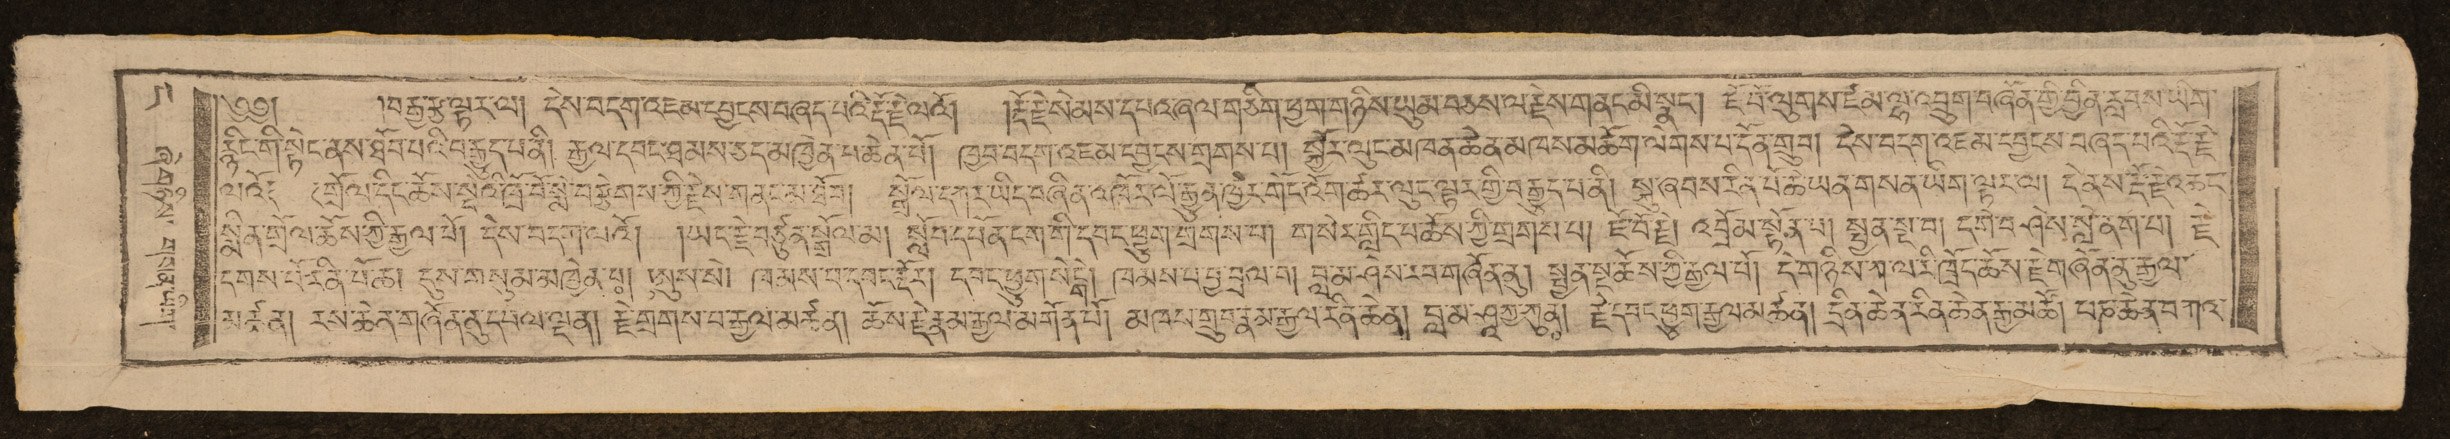༄༅། །བརྒྱ་རྩ་ལྟར་ལ། དེས་བདག་འཇམ་དབྱངས་བཞད་པའི་རྡོ་རྗེ་ལའོ། །རྡོ་རྗེ་སེམས་དཔའ་ཞལ་གཅིག་ཕྱག་གཉིས་ཡུམ་བཅས་ལ་རྫེས་གནང་མི་སྣང་། ཇོ་བོ་ལུགས་ཛམ་ལྷར་བྲུག་བཞོན་གྱི་བྱིན་རླབས་ཡིག་
རྙིང་གི་སྟེང་ནས་ཐོབ་པའི་བརྒྱུད་པ་ནི། རྒྱལ་དབང་ཐམས་ཅད་མཁྱེན་བ་ཆེན་པོ། ཁྱབ་བདག་འཇམ་དབྱངས་གྲགས་པ། སྐྱོར་ལུང་མཁན་ཆེན་མཁས་མཆོག་ལེགས་པ་དོན་གྲུབ། དེས་བདག་འཇམ་དབྱངས་བཞད་པའི་རྡོ་རྗེ་
ལའོ༑ ༑གྲོལ་དིང་ཆོས་སྡེའི་ཁྲོ་བོ་སྨེ་བརྩེགས་ཀྱི་རྗེས་གནང་མ་ཐོབ། སྒྲོལ་དཀར་ཡིད་བཞིན་འཁོར་ལོ་རྒྱུན་ཁྱེར་གོང་འོག་ཚར་ལུང་ལྟར་གྱི་བརྒྱུད་པ་ནི། སྐུ་ཞབས་རིན་པོ་ཆེ་ཡན་གསན་ཡིག་ལྟར་ལ། དེ་ནས་རྡོ་རྗེ་འཆང་
སྨིན་གྲོལ་ཆོས་ཀྱི་རྒྱལ་པོ། དེས་བདག་ལའོ། །ཡང་རྗེ་བཙུན་སྒྲོལ་མ། སློབ་དཔོན་ངག་གི་དབང་ཕྱུག་གྲགས་པ། གསེར་གླིང་པ་ཆོས་ཀྱི་གྲགས་པ། ཇོ་བོ་རྗེ། འབྲོ་མ་སྟོན་པ། སྤྱན་སྔ་བ། དགེ་བཤེས་སླེ་ནག་བ། རྗེ་
དགས་བོ་རིན་པོ་ཆ། དུས་གསུམ་མཁྱེན་པ། ཨུས་སེ། ཁམས་བ་དབང་རྡོར། དབང་ཕྱུག་སེངྒེ། ཁམས་པ་བྱ་བྲལ་བ། བླ་མ་ཤེས་རབ་གཞོན་ནུ། སྤྱན་སྔ་ཆོས་ཀྱི་རྒྱལ་བོ། དེ་གཉིས་ཀ་ལ་རི་ཁྲོད་ཆོས་རྗེ་གཞོན་ནུ་རྒྱལ་
མཚན། རས་ཆེན་གཞོན་ནུ་དཔལ་ལྡན། རྗེ་གྲགས་བ་རྒྱལ་མཚན། ཆོས་རྗེ་རྣམ་རྒྱལ་མགོན་པོ། མཁས་གྲུབ་རྣམ་རྒྱལ་རིན་ཆེན། བླ་མ་ཤཱཀྱ་ཀུན། རྗེ་དབང་ཕྱུག་རྒྱལ་མཚན། དྲིན་ཆེན་རིན་ཆེན་རྒྱ་མཚོ། པཎ་ཆེན་བཀའ་